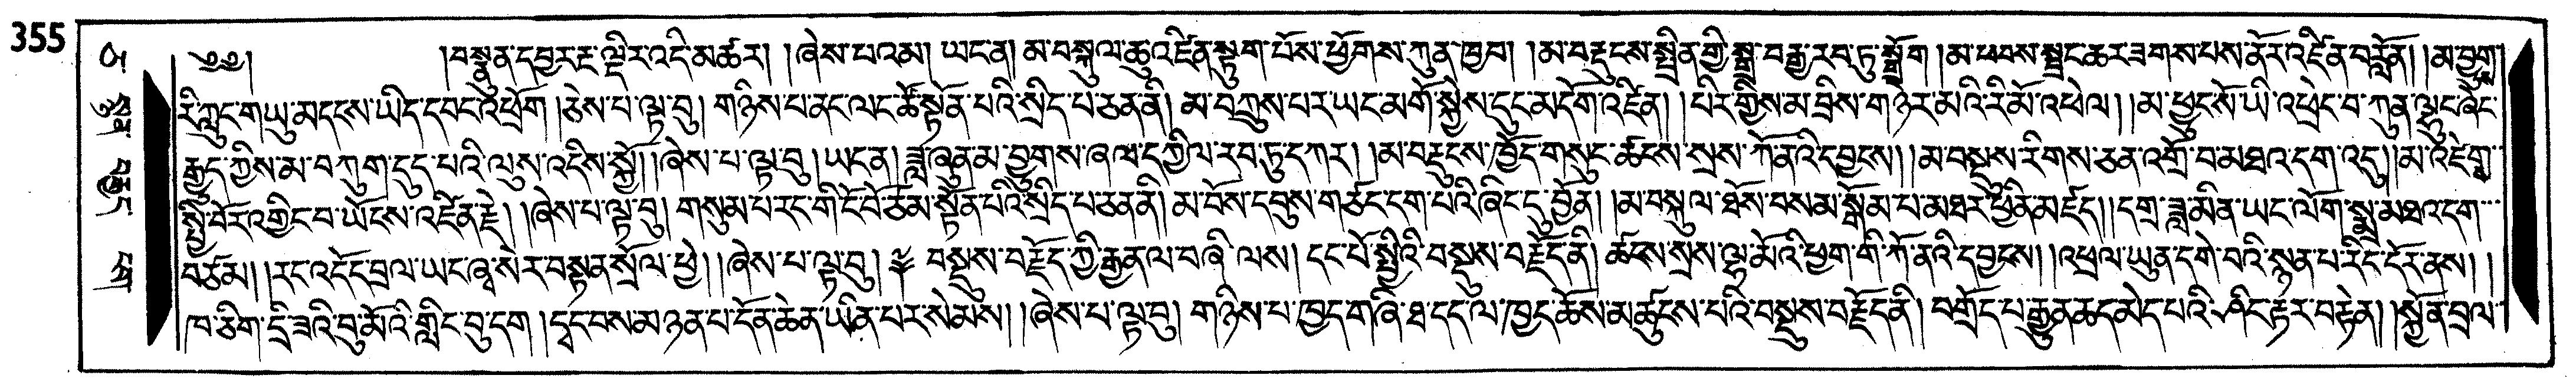༄༅། །བསྣུན་དབྱར་རྔ་ལྡིར་འདི་མཚར། །ཞེས་པའམ། ཡང་ན། མ་བསྐུལ་ཆུ་འཛིན་སྟུག་པོས་ཕྱོགས་ཀུན་ཁྱབ། །མ་བརྡུངས་སྤྲིན་གྱི་སྒྲ་བརྒྱ་རབ་ཏུ་སྒྲོག །མ་ཕབས་སྦྲང་ཆར་ཟགས་པས་ནོར་འཛིན་བརློན། །མ་བྱུགས་
རི་ཀླུང་གཡུ་མདངས་ཡིད་དབང་འཕྲོག །ཅེས་པ་ལྟ་བུ། གཉིས་པ་ནང་ལང་ཚོ་སྟོན་པའི་སྲིད་པ་ཅན་ནི། མ་བཀྲུས་པར་ཡང་མགོ་སྐྱེས་དུང་མདོག་འཛིན། །པིར་གྱིས་མ་བྲིས་གཉེར་མའི་རི་མོ་འཕེལ། །མ་ཕྱུང་སོ་ཡི་འཕྲེང་བ་ཀུན་ལྷུང་ཞེང་
རྒྱུད་ཀྱིས་མ་བཀུག་དུད་པའི་ལུས་འདིས་སྐྱོ། །ཞེས་པ་ལྟ་བུ། །ཡང་ན། ཟླ་ཞུན་མ་བྱུགས་ཞལ་དཀྱིལ་རབ་ཏུ་དཀར། །མ་བརྡུངས་ཁྱོད་གསུངས་ཚངས་སྲས་གོ་ནའི་དབྱངས། །མ་བསྡུས་རིགས་ཅན་འགྲོ་བ་ཅན་མཐའ་དག་འདུ། །མ་འཛེགས་
སྤྱི་བོར་འགྱིང་བ་ཡོངས་འཛིན་རྗེ། །ཞེས་པ་ལྟ་བུ། གསུམ་པ་རང་གི་ངོ་བོ་ཙམ་སྟོན་པའི་སྲིད་པ་ཅན་ནི། མ་བོས་དབུས་གཙང་དག་པའི་ཞིང་དུ་བྱོན། །མ་བསྐུལ་ཐོས་བསམ་སྒོམ་པ་མཐར་ཕྱིན་མཛད། །དགྲ་ཟླ་མིན་ཡང་ལོག་སྨྲ་མཐའ་དག་
བཙམ། །རང་འདོད་བྲལ་ཡང་ཞྭ་སེར་བསྟན་སྲོལ་ཕྱེ། །ཞེས་པ་ལྟ་བུ། འ་བསྡུས་བརྗོད་ཀྱི་རྒྱན་ལ་བཞི་ལས། དང་པོ་སྤྱིའི་བསྡུས་བརྗོད་ནི། ཚངས་སྲས་ལྷ་མོའི་ཕྱག་གི་ཀོ་ནའི་དབྱངས། །འཕྲེལ་ཡུལ་དགེ་བའི་སྙན་པ་རིང་དོར་ནས། །
ཁ་ཅིག་དྲི་ཟའི་བུ་མོའི་གླིང་བུ་དག །དྭགས་བས་མཉན་པ་དོན་ཆེན་ཡིན་པར་སེམས། །ཞེས་པ་ལྟ་བུ། གཉིས་པ་ཁྱད་གཞི་ཐ་དད་ལ་ཁྱད་ཆོས་མཚུངས་པའི་བསྡུས་བརྗོད་ནི། བགྲོད་པ་རྒྱུན་ཆད་མེད་པའི་ཤིང་རྟར་བརྟེན། །སྐྱོན་བྲལ་